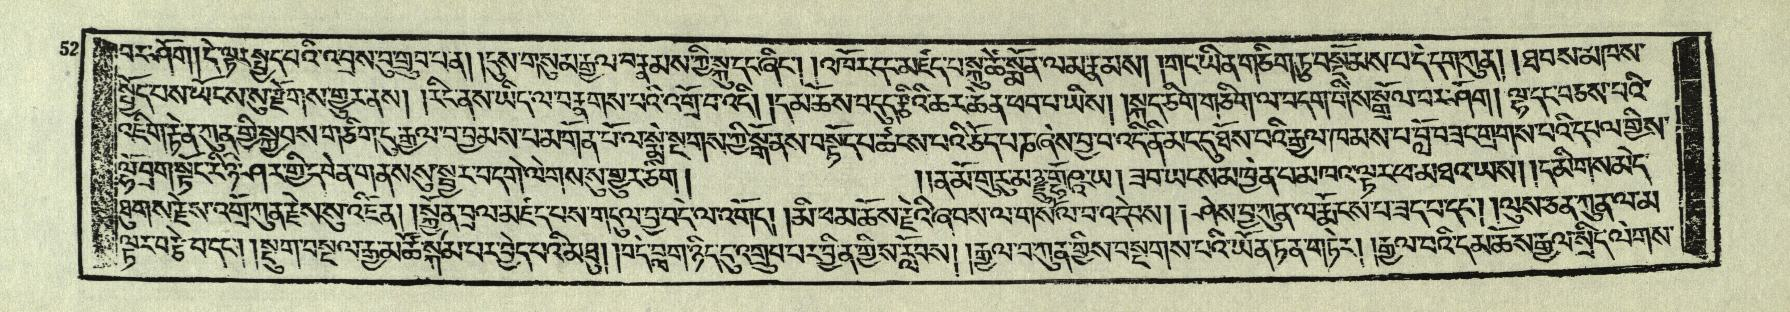བར་ཤོག །དེ་ལྟར་སྤྱད་པའི་འབྲས་བུ་གྲུབ་པ་ན། །དུས་གསུམ་རྒྱལ་བ་རྣམས་ཀྱི་སྐུ་དང་ཞིང་། །འཁོར་དང་མཛད་པ་སྐུ་ཚེ་སྨོན་ལམ་རྣམས། །གང་ཡིན་གཅིག་ཏུ་བསྡོམས་པ་དེ་དག་ཀུན། །ཐབས་མཁས་
སྤྱོད་པས་ཡོངས་སུ་རྫོགས་གྱུར་ནས། །རིང་ནས་ཡིད་ལ་བརྣགས་པའི་འགྲོ་བ་འདི། །དམ་ཆོས་བདུད་རྩིའི་ཆར་ཆེན་ཕབ་པ་ཡིས། །སྐད་ཅིག་གཅིག་ལ་བདག་གིས་སྒྲོལ་བར་ཤོག །ལྷ་དང་བཅས་པའི་
འཇིག་རྟེན་ཀུན་གྱི་སྐྱབས་གཅིག་དུ་རྒྱལ་བ་བྱམས་པ་མགོན་པོ་ལ་སྨྲེ་སྔགས་ཀྱི་སྒོ་ནས་བསྟོད་པ་ཚངས་པའི་ཅོད་པཎ་ཞེས་བྱ་བ་འདི་ནི་མང་དུ་ཐོས་པའི་རྒྱལ་ཁམས་པ་བློ་བཟང་གྲགས་པའི་དཔལ་གྱིས་
ལྷོ་བྲག་སྟོང་རི་ཉི་ཤར་གྱི་དབེན་གནས་སུ་སྦྱར་བ་དགེ་ལེགས་སུ་གྱུར་ཅིག། །།ན་མོ་གུ་རུ་མཉྫུ་གྷོཥཱ་ཡ། ཟབ་ཡངས་མཁྱེན་པ་མཁའ་ལྟར་ཕ་མཐའ་ཡས། །དམིགས་མེད་
ཐུགས་རྗེས་འགྲོ་ཀུན་རྗེས་སུ་འཛིན། །སྐྱོན་བྲལ་མཛད་པས་གདུལ་བྱ་བདེ་ལ་འགོད། །མི་ཕམ་ཆོས་རྗེའི་ཞབས་ལ་གསོལ་བ་འབྡེབས། །ཤེས་བྱ་ཀུན་ལ་རྨོངས་པ་ཟད་པ་དང་། །ལུས་ཅན་ཀུན་ལ་མ་
ལྟར་བརྩེ་བ་དང་། །སྡུག་བསྔལ་རྒྱ་མཚོ་སྐམ་པར་བྱེད་པའི་མཐུ། །བདེ་བླག་ཉིད་དུ་འགྲུབ་པར་བྱིན་གྱིས་རློབས། །རྒྱལ་བ་ཀུན་གྱིས་བསྔགས་པའི་ཡོན་ཏན་གཏེར། །རྒྱལ་བའི་དམ་ཆོས་རྒྱལ་སྲིད་ལེགས་